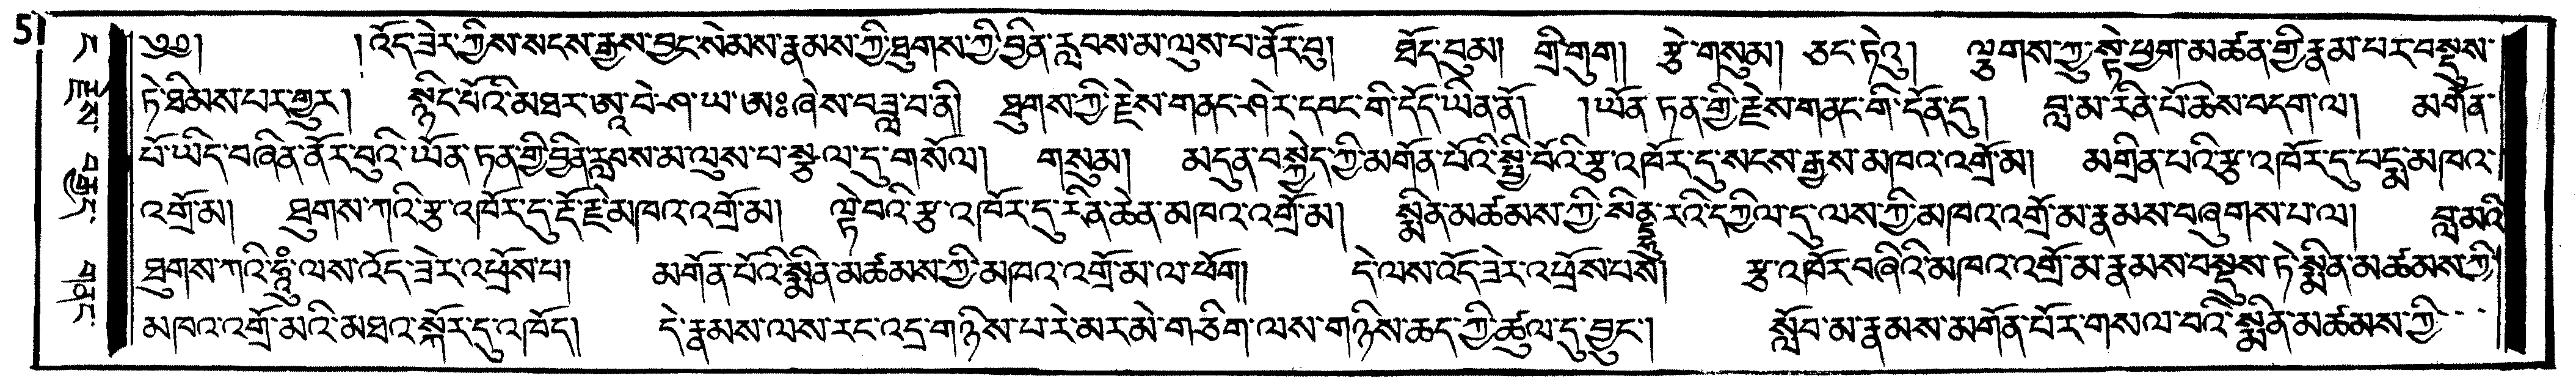༄༅། །འོད་ཟེར་ཀྱིས་སངས་རྒྱས་བྱང་སེམས་རྣམས་ཀྱི་ཐུགས་ཀྱི་བྱིན་རླབས་མ་ལུས་པ་ནོར་བུ། ཐོད་བུམ། གྲི་གུག། རྩེ་གསུམ། ཅང་ཏེའུ། ལྕགས་ཀྱུ་སྟེ་ཕྱག་མཚན་གྱི་རྣམ་པར་བསྡུས་
ཏེ་ཐིམས་པར་གྱུར། སྙིང་པོའི་མཐར་ཨཱ་བེ་ཤ་ཡ་ཨཿ ཞེས་བཟླ་བ་ནི། ཐུགས་ཀྱི་རྗེས་གནང་ཤེར་དབང་གི་དོད་ཡིན་ནོ། །ཡོན་ཏན་གྱི་རྗེས་གནང་གི་དོན་དུ། བླ་མ་རིན་པོ་ཆེས་བདག་ལ། མགོན་
པོ་ཡིད་བཞིན་ནོར་བུའི་ཡོན་ཏན་གྱི་བྱིན་རླབས་མ་ལུས་པ་སྩལ་དུ་གསོལ། གསུམ། མདུན་བསྐྱེད་ཀྱི་མགོན་པོའི་སྤྱི་བོའི་རྩ་འཁོར་དུ་སངས་རྒྱས་མཁའ་འགྲོ་མ། མགྲིན་པའི་རྩ་འཁོར་དུ་པདམ་མཁའ་
འགྲོ་མ། ཐུགས་ཀའི་རྩ་འཁོར་དུ་རྗོ་རྗེ་མཁའ་འགྲོ་མ། ལྟེ་བའི་རྩ་འཁོར་དུ་རིན་ཆེན་མཁའ་འགྲོ་མ། སྨིན་མཚམས་ཀྱི་སིནྡྷུ་རའི་དཀྱིལ་དུ་ལས་ཀྱི་མཁའ་འགྲོ་མ་རྣམས་བཞུགས་པ་ལ། བླ་མའི་
ཐུགས་ཀའི་ཧཱུཾ་ལས་འོད་ཟེར་འཕྲོས་པ། མགོན་པོའི་སྨིན་མཚམས་ཀྱི་མཁའ་འགྲོ་མ་ལ་ཕོག། དེ་ལས་འོད་ཟེར་འཕྲོས་པས། རྩ་འཁོར་བཞིའི་མཁའ་འགྲོ་མ་རྣམས་བསྡུས་ཏེ་སྨིན་མཚམས་ཀྱི་
མཁའ་འགྲོ་མའི་མཐའ་སྐོར་དུ་འཁོད། དེ་རྣམས་ལས་རང་འདྲ་གཉིས་པ་རེ་མར་མེ་གཅིག་ལས་གཉིས་ཆད་ཀྱི་ཚུལ་དུ་བྱུང་། སློབ་མ་རྣམས་མགོན་པོར་གསལ་བའི་སྨིན་མཚམས་ཀྱི་